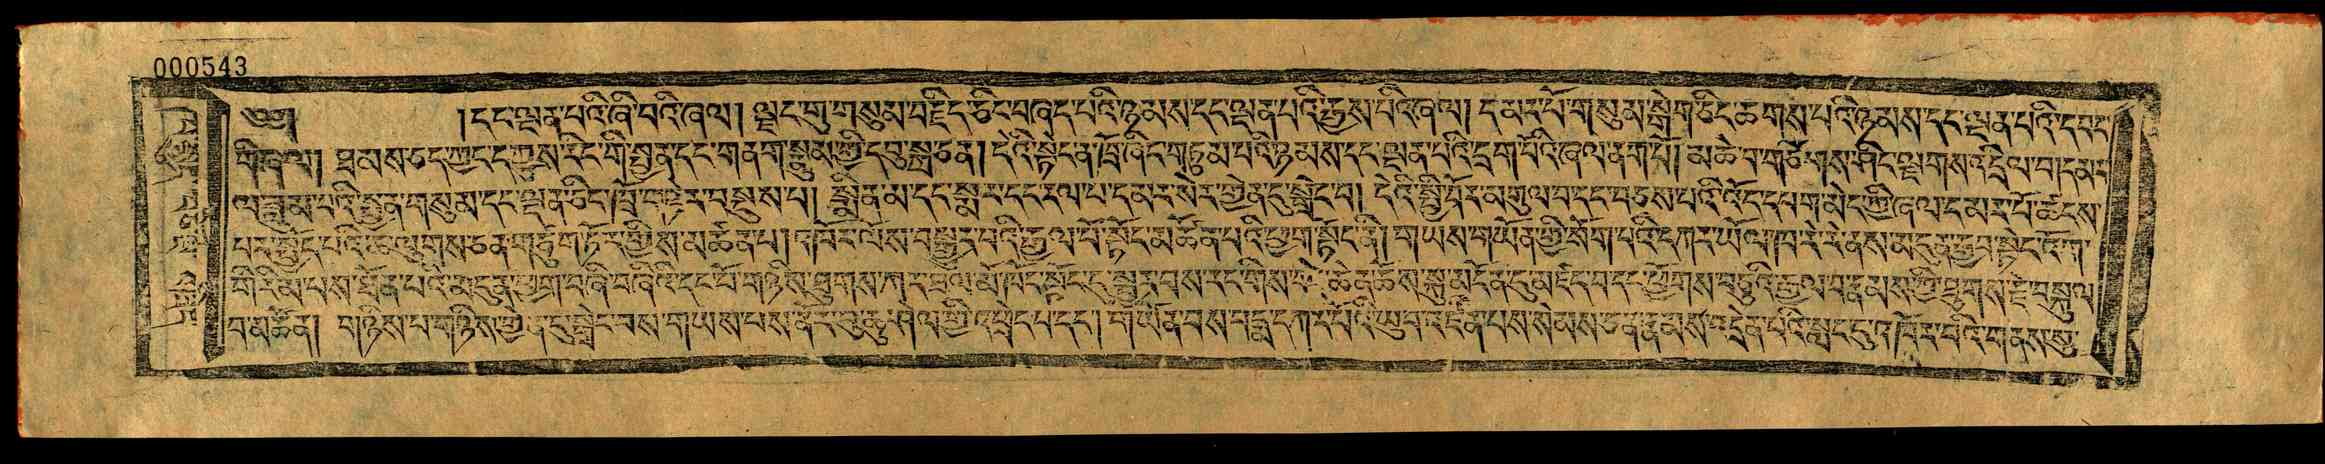༄༅། །དང་ལྡན་པའི་ཞི་པའི་ཞལ། ལྗང་གུ་གསུམ་བརྗིད་ཅིང་བཞད་པའི་ཉམས་དང་ལྡན་པའི་རྒྱས་པའི་ཞལ། དམར་པོ་གསུམ་སྒེག་ཅིང་ཆགས་པའི་ཉམས་དང་ལྡན་པའི་དབང་
གི་ཞལ། ཐམས་ཅད་ཀྱང་དཀྱུས་རིང་གི་སྤྱན་དང་གནག་སྣུམ་གྱི་དབུ་སྐྲ་ཅན། དེའི་སྟེང་ན་ཁྲོ་ཞིང་གཏུམ་པའི་ཉམས་དང་ལྡན་པའི་དྲག་པོའི་ཞལ་ནག་པོ། མཆེ་བ་གཙིགས་ཤིང་ལྗགས་འདྲིལ་བ། དམར་
ལ་ཟླུམ་པའི་སྤྱན་གསུམ་དང་ལྡན་ཅིང་ཁྲོ་གཉེར་བསྡུས་པ། སྨིན་མ་དང་སྨ་ར་དང་རལ་པ་དམར་སེར་གྱེན་དུ་སྒྲེང་བ། དེའི་སྤྱི་བོར་མགུལ་པ་རང་བཅས་པའི་འོད་དཔག་མེད་ཀྱི་ཞལ་དམར་པོ་ཚངས་
པར་སྤྱོད་པའི་ཆ་ལུགས་ཅན་གཙུག་ཏོར་གྱིས་མཚན་པ། འཁོར་ལོས་བསྒྱུར་བའི་རྒྱལ་པོ་སྟོང་མཚོན་པའི་ཕྱག་སྟོང་ནི། གཡས་གཡོན་གྱི་སོག་པའི་དཀར་ཡོལ་ཁ་རེ་རེ་ནས་མདུན་རྒྱབ་སྟེང་འོག་
གི་རིམ་པས་ཐོན་པའི་མདུན་ཕྱག་བཞི་བཞིའི་དང་པོ་གཉིས་ཐུགས་ཀར་ཐལ་མོ་ཁོང་སྟོང་དུ་སྦྱར་བས་རང་གིས་བདེ་ཆེན་ཆོས་སྐུ་མངོན་དུ་མཛད་པ་དང་ཕྱོགས་བཅུའི་རྒྱལ་བ་རྣམས་ཀྱི་ཐུགས་རྗེ་བསྐུལ་
བ་མཚོན། གཉིས་པ་གཉིས་གྱེན་དུ་སྒྲེང་བས་གཡས་པས་ནོར་བུ་ཆུ་ཤེལ་གྱི་འཕྲེང་བ་དང་། གཡོན་པས་པདམ་དཀར་པོའི་ཡུ་བ་འཛིན་པས་སེམས་ཅན་རྣམས་འདྲེན་པའི་སླད་དུ་འཁོར་བའི་གནས་སུ་